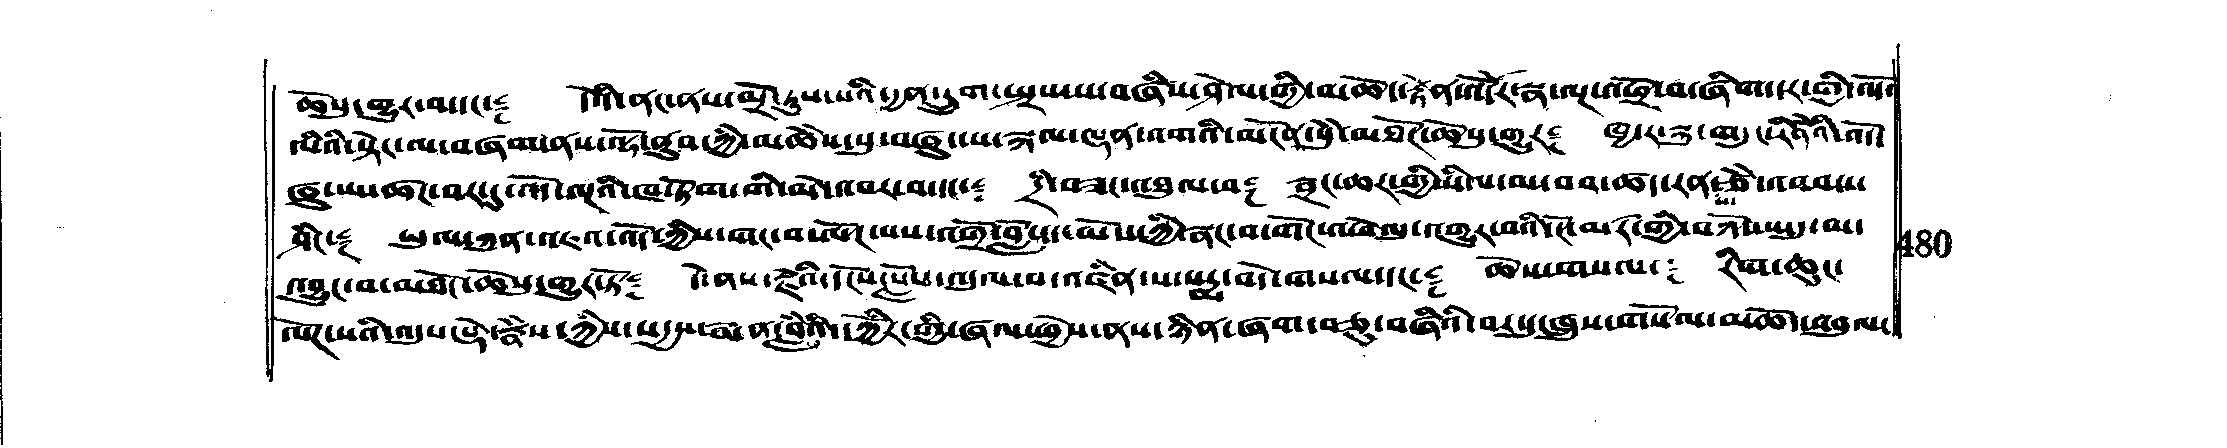ཆོས་སུ་གྱུར་བ་དང་། དེའི་ནང་ནས་མཁའ་འགྲོ་རུས་པའི་རྒྱན་དྲུག་སྤྲས་པ་བཞིས་ཤེལ་གྱི་མཆོད་རྟེན་འོད་ཟེར་སྣ་ལྔ་འཕྲོ་བ་ཞིག་དར་གྱི་འདོ་
ལིའི་སྟེང་ལ་བཞག་ནས་ལྷོ་ནུབ་ཀྱི་མཚམས་སུ་བཞུད་པ་སྐལ་ལྡན་འགའི་མངོན་སུམ་མཐོང་ཆོས་སུ་གྱུར། ཁྱད་པར་སྐུ་གདུང་རིན་པོ་ཆེའི་འོད་
ཞུ་མ་ཚར་བར་དུ་འོད་ལྔའི་ཁ་ཏོག་གི་མེ་འབར་བ་དང་། དྲི་བཟང་འཐུལ་བ། སྦྲང་ཆར་གྱི་སིལ་མ་བབ་ཚད་རན་པ་ཙམ་འབབ་
ཤིང་། ཡུལ་ཀུན་འཇའ་འོད་ཀྱིས་གང་བ་ལ་སོགས་པས་འགྲོ་བློ་དད་མོས་ཀྱི་སྣང་བ་གོང་འཕེལ་དུ་གྱུར་བའི་ངོ་མཚར་གྱི་བཀོད་པ་དུ་མ་
བྱུང་བ་མཐོང་ཆོས་སུ་གྱུར་ཏོ། དེ་ནས་རྗེའི་དངོས་སློབ་འདུལ་བ་འཛིན་པ་པདྨ་བདེ་གསལ་དང་། ཆོས་གསལ། རིག་ཆུང་
ལ་སོགས་པའི་འདུས་སྡེ་རྣམས་ཀྱིས་སངས་རྒྱས་སྨན་བླ་མའི་དཀྱིལ་འཁོར་གྱི་ཞལ་ཕྱེས་ནས་ཉིན་ཞག་བཅུ་བཞིའི་བར་དུ་ཁྲུས་གསོལ་མཆོད་འབུལ་